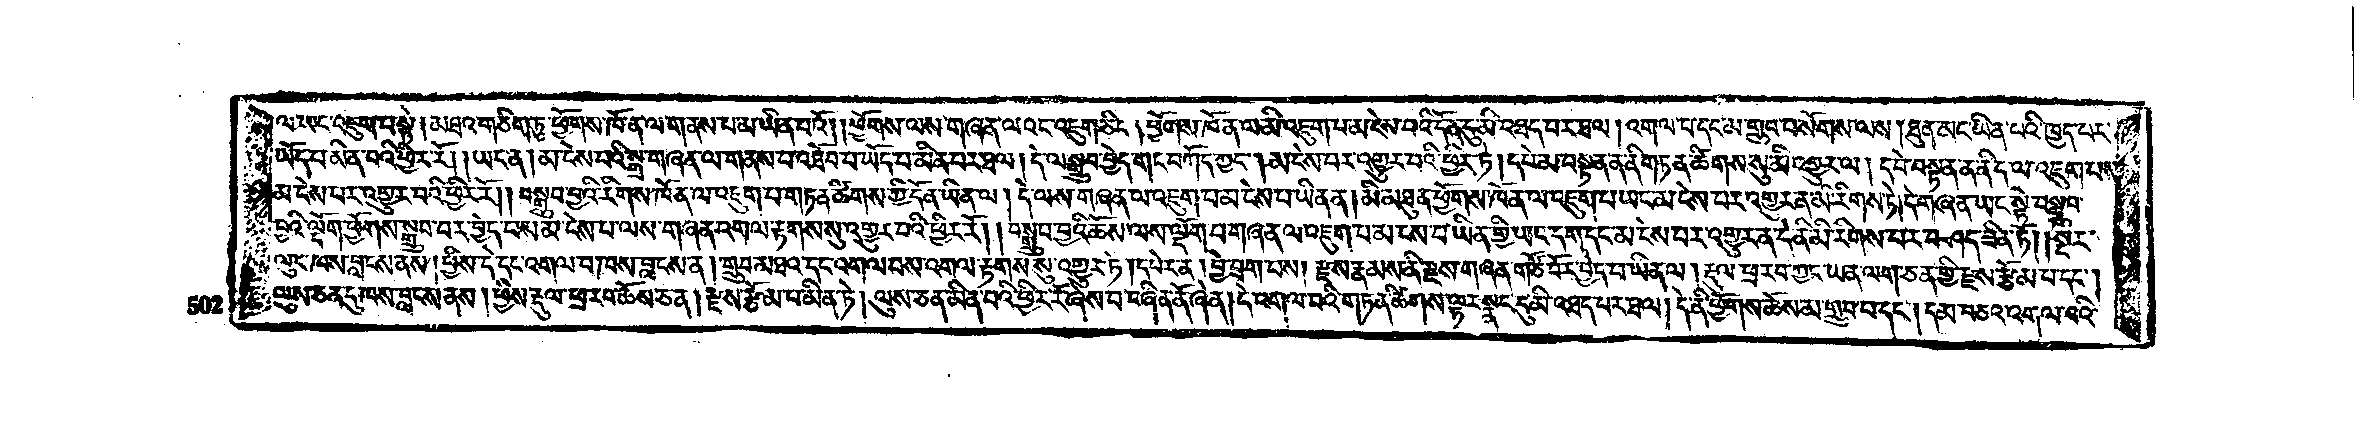ལ་ཡང་འཇུག་པ་སྟེ། མཐའ་གཅིག་ཏུ་ཕྱོགས་ཁོ་ན་ལ་གནས་པ་མ་ཡིན་པའོ་།ཕྱོགས་ལས་གཞན་ལའང་འཇུག་ཅིང་། ཕྱོགས་ཁོ་ན་ལ་མི་འཇུག་པ་མ་ངེས་པའི་དོན་དུ་མི་འཐད་པར་ཐལ། འགལ་བ་དང་མ་གྲུབ་པ་སོགས་ལས། ཐུན་མང་ཡིན་པའི་ཁྱད་པར་
ཡོད་པ་མིན་པའི་ཕྱིར་རོ། །ཡན་ན། མ་ངེས་པའི་སྒྲ་གཞན་ལ་གནས་པ་འཐོབ་པ་ཡོད་པ་མིན་པར་ཐལ། དེ་ལ་སྒྲུབ་བྱེད་གང་བཀོད་ཀྱང་། མ་ངེས་པར་འགྱུར་བའི་ཕྱིར་ཏེ། དཔེ་མ་བསྟན་ན་ནི་གཏན་ཚིགས་སུ་མི་འགྱུར་ལ། དཔེ་བསྟན་ན་ནི་དེ་ལ་འཇུག་པས་
མ་ངེས་པར་འགྱུར་བའི་ཕྱིར་རོ། །བསྒྲུབ་བྱའི་རིགས་ཁོ་ན་ལ་འཇུག་པ་གཏན་ཚིགས་ཀྱི་དོན་ཡིན་ལ། དེ་ལས་གཞན་ལ་འུག་པ་མ་ངེས་པ་ཡིན་ན། མི་མཐུན་ཕྱོགས་ཁོ་ན་ལ་འཇུག་པ་ཡང་མ་ངེས་པར་འགྱུར་ན་མི་རིགས་ཏེ། དེ་གཞན་ཡང་སྟེ་བསྒྲུབ་
བྱའི་ལྡོག་ཕྱོགས་སྒྲུབ་པར་བྱེད་པས་མ་ངེས་པ་ལས་གཞན་འགལ་རྟགས་སུ་འགྱུར་བའི་ཕྱིར་རོ། །བསྒྲུབ་བྱའི་ཆོས་ལས་ལྡོག་པ་གཞན་ལ་འཇུག་པ་མ་ངེས་པ་ཡིན་གྱི་ཡང་དག་དང་མ་ངེས་པར་འགྱུར་ན་དེ་ནི་མི་རིགས་པར་བཤད་ཟིན་ཏོ། །སྔར་
ལུང་ཁས་བླངས་ནས། ཕྱིས་དེ་དང་འགལ་བ་ཁས་བླངས་ན། གྲུབ་མཐའ་དང་འགལ་བས་འགལ་རྟགས་སུ་འགྱུར་ཏེ། དཔེར་ན། བྱེ་བྲག་པས། རྫས་རྣམས་ནི་རྫས་གཞན་གཙོ་བོར་བྱེད་པ་ཡིན་ལ། རྡུལ་ཕྲ་རབ་ཀྱང་ཡན་ལག་ཅན་གྱི་རྫས་རྩམ་པ་དང་།
ལུས་ཅན་དུ་ཁས་བླངས་ནས། ཕྱིས་རྡུལ་ཕྲ་རབ་ཆོས་ཅན། རྫས་རྩོམ་པ་མིན་ཏེ། ལུས་ཅན་མིན་པའི་ཕྱིར་རོ་ཞེས་པ་བཞིན་ནོ་ཞེ་ན། དེ་འགལ་བའི་གཏན་ཚིགས་ལྟར་སྣང་དུ་མི་འཐད་པར་ཐལ། དེ་ནི་ཕྱོགས་ཆོས་མ་གྲུབ་པ་དང་། དམ་བཅའ་འགལ་བའི་